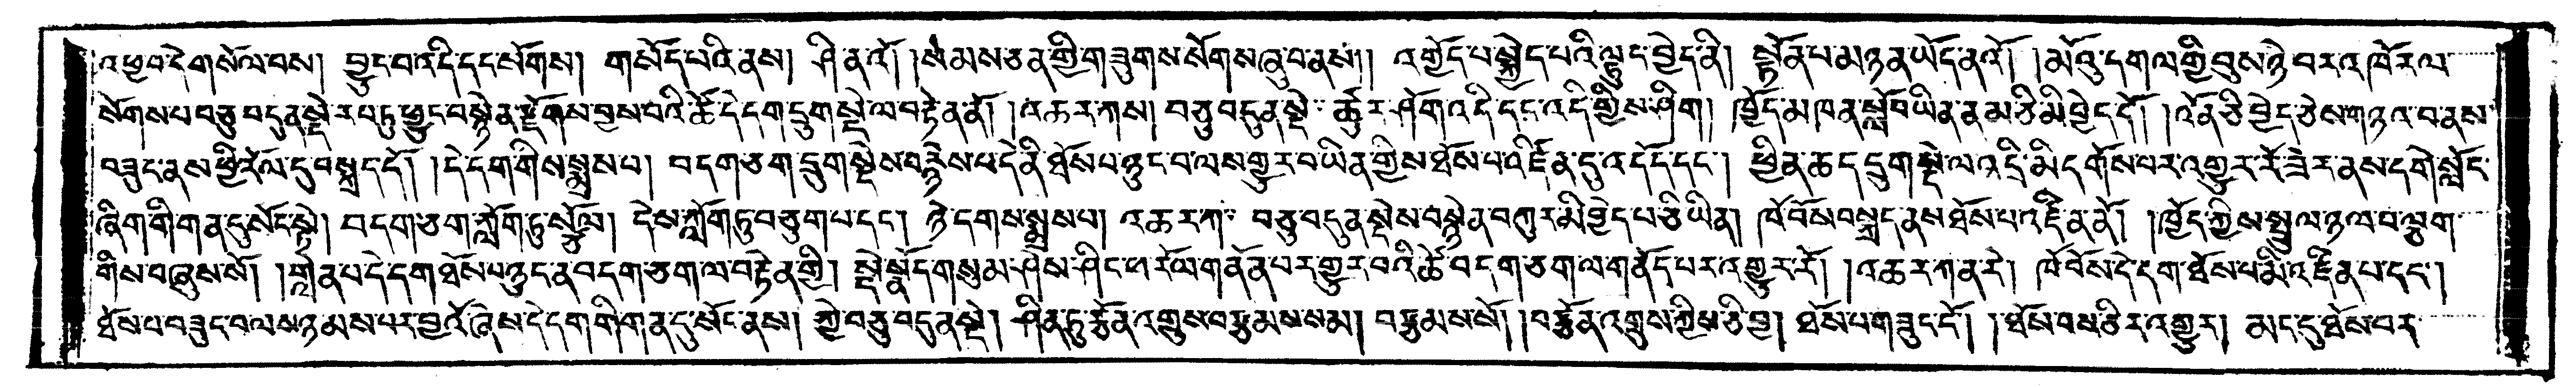འཕྱ་བ་དེ་གསོལ་བས། བྱུང་བ་འདི་དང་སོགས། གསོད་པའི་ནས། ཤི་ན་འོ། །སེམས་ཅན་གྱི་གཟུགས་སོགས་ཞུ་བ་ནས།། འགྱོད་པ་སྐྱེད་པའི་ལྟུང་བྱེད་ནི། སྟོན་པ་མཉན་ཡོད་ནའོ། །མོའུ་དགལ་གྱི་བུས་ཉེ་བར་འཁོར་ལ་
སོགས་པ་བཅུ་བདུན་སྡེ་རབ་ཏུ་ཕྱུང་བསྙེན་རྫོགས་བྱས་པའི་ཚེ་དེ་དག་དྲུག་སྡེ་ལ་བརྟེན་ནོ། །འཆར་ཀས། བཅུ་བདུན་སྡེ་ཚུར་ཤོག་འདི་དང་འདི་གྱིས་ཤིག། ཁྱོད་མཁན་སློབ་ཡིན་ནམ་ཅི་མི་བྱེད་དོ། །འོ་ན་ཅི་བྱེད་ཅེས་གཉའ་བ་ནས་
བཟུང་ནས་ཕྱི་རོལ་དུ་བསྐྲད་དོ། །དེ་དག་གིས་སྨྲས་པ། བདག་ཅག་དྲུག་སྡེས་བརྙེས་པ་དེ་ནི་ཐོས་པ་ཉུང་བ་ལས་གྱུར་བ་ཡིན་གྱིས་ཐོས་པ་འཛིན་དུ་འདོད་དང་། ཕྱིན་ཆད་དྲུག་སྡེ་ལ་འདྲི་མི་དགོས་པར་འགྱུར་རོ་ཟེར་ནས་དགེ་སློང་
ཞིག་གི་གན་དུ་སོང་སྟེ། བདག་ཅག་ཀློག་ཏུ་སྩོལ། དེས་ཀློག་ཏུ་བཅུག་པ་དང་། ཉེ་དགས་སྨྲས་པ། འཆར་ཀ། བཅུ་བདུན་སྡེས་བསྙེན་བཀུར་མི་བྱེད་པ་ཅི་ཡིན། ཁོ་བོས་བསྐྲད་ནས་ཐོས་པ་འཛིན་ནོ། །ཁྱོད་ཀྱིས་སྤྲུལ་ཉལ་བ་ལྕག་
གིས་བཞུས་སོ། །གླེན་པ་དེ་དག་ཐོས་པ་ཉུང་ན་བདག་ཅག་ལ་བརྟེན་གྱི། སྡེ་སྣོད་གསུམ་ཤེས་ཤིང་ཕ་རོལ་གནོན་པར་གྱུར་བའི་ཚེ་བདག་ཅག་ལ་གནོད་པར་འགྱུར་རོ། །འཆར་ཀ་ན་རེ། ཁོ་བོས་དེ་དག་ཐོས་པ་མི་འཛིན་པ་དང་།
ཐོས་པ་བཟུང་བ་ལས་ཉམས་པར་བྱའོ་ཞེས་དེ་དག་གི་གན་དུ་སོང་ནས། ཀྱེ་བཅུ་བདུན་སྡེ། ཤིན་ཏུ་རྩོན་འགྲུས་བརྩམས་སམ། བརྩམས་སོ། བརྩོན་འགྲུས་ཀྱིས་ཅི་བྱ། ཐོས་པ་གཟུང་ངོ། །ཐོས་པས་ཅིར་འགྱུར། མང་དུ་ཐོས་པར་